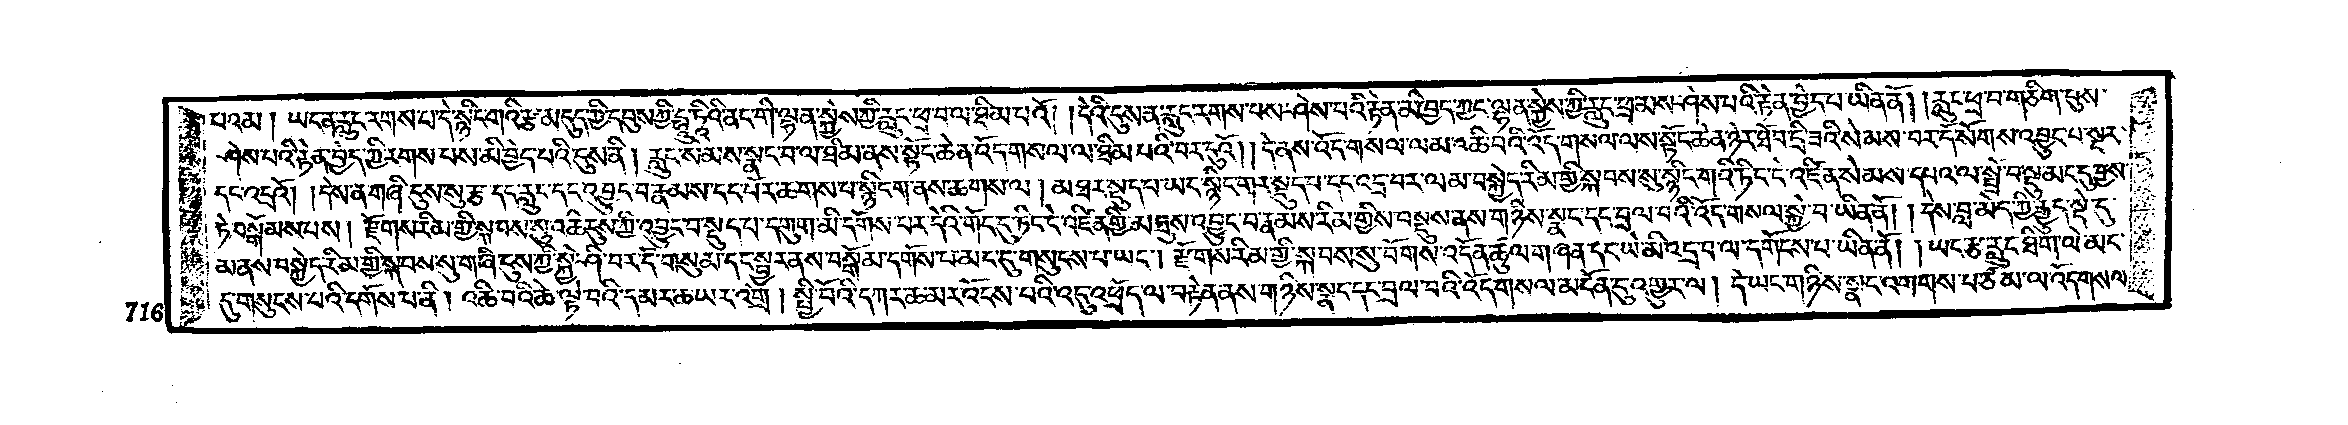པའམ། །ཡང་ན་རླུང་རགས་པ་དེ་སྙིང་གའི་རྩ་མདུད་ཀྱི་དབུས་ཀྱི་དྷཱུ་ཏཱིའི་ནང་གི་ལྷན་སྐྱེས་ཀྱི་རླུང་ཕྲ་བ་ལ་ཐིམ་པའོ། །དེའི་དུས་ན་རླུང་རགས་པས་ཤེས་པའི་རྟེན་མི་བྱད་ཀྱང་ལྷན་སྐྱེས་ཀྱི་རླུང་ཕྲ་མས་ཤེས་པའི་རྟེན་བྱེད་པ་ཡིན་ནོ། །རླུང་ཕྲ་བ་གཅིག་པུས་
ཤེས་པའི་རྟེན་བྱེད་ཀྱི་རགས་པས་མི་བྱེད་པའི་དུས་ནི། རླུང་སེམས་སྣང་བ་ལ་ཐིམ་ནས་སྟོང་ཆེན་འོད་གསལ་ལ་ཐིམ་པའི་བར་དུའོ། །དེ་ནས་འོད་གསལ་ལམ་འཆི་བའི་འོད་གསལ་ལས་སྟོང་ཆེན་ཉེར་ཐོབ་དྲི་ཟའི་སེམས་བར་དོ་སོགས་འབྱུང་བ་སྔར་
དང་འདྲའོ། །དེས་ན་གཞི་དུས་སུ་རྩ་དང་རླུང་དང་འབྱུང་བ་རྣམས་དང་པོར་ཆགས་པ་སྙིང་གནས་ཆགས་ལ། མཐར་སྡུད་པ་ཡང་སྙིང་གར་སྡུད་པ་དང་འདྲ་བར་ལམ་བསྐྱེད་རིམ་གྱི་སྐབས་སུ་སྙིང་གའི་ཏིང་ངེ་འཛིན་སེམས་དཔའ་ལ་སྤྲོ་བསྡུ་མང་དུ་བྱས་
ཏེ་བསྒོམས་པས། རྫོགས་རིམ་གྱི་སྐབས་སུ་འཆི་དུས་ཀྱི་འབྱུང་བ་སྡུད་པ་དགུག་མི་དགོས་པར་དེའི་གོང་དུ་ཏིང་ངེ་འཛིན་གྱི་མཐུས་འབྱུང་བ་རྣམས་རིམ་གྱིས་བསྡུས་ནས་གཉིས་སྣང་དང་བྲལ་བའི་འོད་གསལ་སྐྱེ་བ་ཡིན་ནོ། །དེས་བླ་མེད་ཀྱི་རྒྱུད་སྡེ་དུ་
མ་ནས་བསྐྱེད་རིམ་གྱི་སྐབས་སུ་གཞི་དུས་ཀྱི་སྐྱི་ཤི་བར་དོ་གསུམ་དང་སྦྱར་ནས་བསྒོམ་དགོས་པ་མང་དུ་གསུངས་པ་ཡང་། རྫོགས་རིམ་གྱི་སྐབས་སུ་བོགས་འདོན་ཚུལ་གཞན་དང་ཡེ་མི་འདྲ་བ་ལ་དགོངས་པ་ཡིན་ནོ། །ཡང་རྩ་རླུང་ཐིག་ལེ་མང་
དུ་གསུངས་པའི་དགོས་པ་ནི། འཆི་བའི་ཚེ་ལྟེ་བའི་དམར་ཆ་ཡར་འགྲོ། སྤྱི་བོའི་དཀར་ཆ་མར་འོངས་པའི་འདུ་འཕྲོད་ལ་བརྟེན་ནས་གཉིས་སྣང་དང་བྲལ་བའི་འོད་གསལ་མངོན་དུ་འགྱུར་ལ། དེ་ཡང་གཉིས་སྣང་འགགས་པ་ཙམ་ལ་འོད་གསལ་